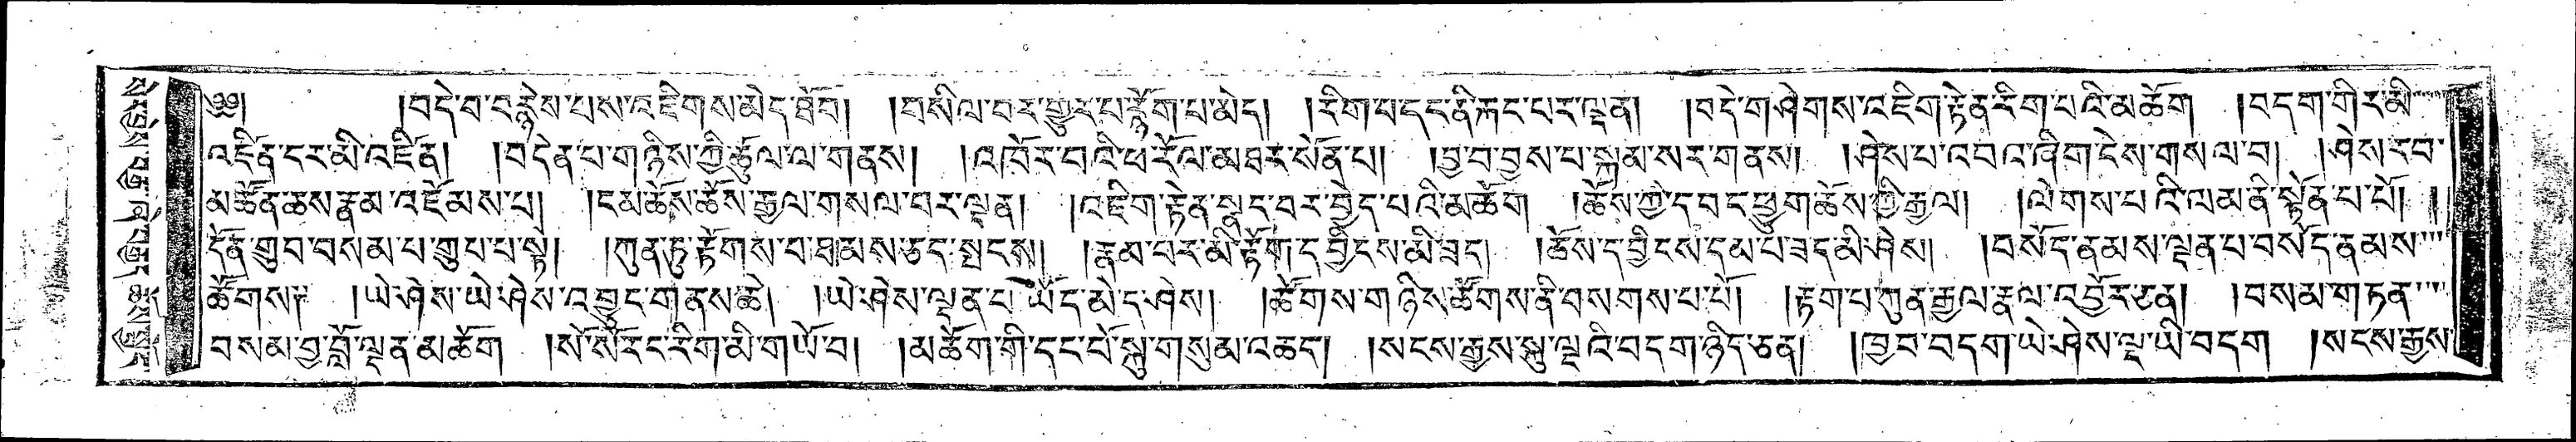༄༅། །བདེ་བ་བརྙེས་པས་འཇིགས་མེད་ཐོབ། །བསིལ་བར་གྱུར་པ་རྙོག་པ་མེད། །རིག་པ་དང་ནི་རྐང་པར་ལྡན། །བདེ་གཤེགས་འཇིག་རྟེན་རིག་པའི་མཆོག །བདག་གིར་མི་
འཛིན་དར་མི་འཛིན། །བདེན་པ་གཉིས་ཀྱི་ཚུལ་ལ་གནས། །འཁོར་བའི་ཕ་རོལ་མཐར་སོན་པ། །བྱ་བ་བྱས་པ་སྐམ་སར་གནས། །ཤེས་པ་འབའ་ཞིག་དེས་གསལ་བ། །ཤེས་རབ་
མཚོན་ཆས་རྣམ་འཇོམས་པ། །དམ་ཆོས་ཆོས་རྒྱལ་གསལ་བར་ལྡན། །འཇིག་རྟེན་སྣང་བར་བྱེད་པའི་མཆོག །ཆོས་ཀྱི་དབང་ཕྱུག་ཆོས་ཀྱི་རྒྱལ། །ལེགས་པའི་ལམ་ནི་སྟོན་པ་པོ། །
དོན་གྲུབ་བསམ་པ་གྲུབ་པ་སྟེ། །ཀུན་ཏུ་རྟོགས་པ་ཐམས་ཅད་སྤངས། །རྣམ་པར་མི་རྟོག་དབྱིངས་མི་ཟད། །ཆོས་དབྱིངས་དམ་པ་ཟད་མི་ཤེས། །བསོད་ནམས་ལྡན་པ་བསོད་ནམས་
ཚོགས། །ཡེ་ཤེས་ཡེ་ཤེས་འབྱུང་གནས་ཆེ། །ཡེ་ཤེས་ལྡན་པ་ཡོད་མེད་ཤེས། །ཚོགས་གཉིས་ཚོགས་ནི་བསགས་པ་པོ། །རྟག་པ་ཀུན་རྒྱལ་རྣལ་འབྱོར་ཅན། །བསམ་གཏན་
བསམ་བྱ་བློ་ལྡན་མཆོག །སོ་སོ་རང་རིག་མི་གཡོ་བ། །མཆོག་གི་དང་པོ་སྐུ་གསུམ་འཆང་། །སངས་རྒྱས་སྐུ་ལྔའི་བདག་ཉིད་ཅན། །ཁྱབ་བདག་ཡེ་ཤེས་ལྔ་ཡི་བདག །སངས་རྒྱས་